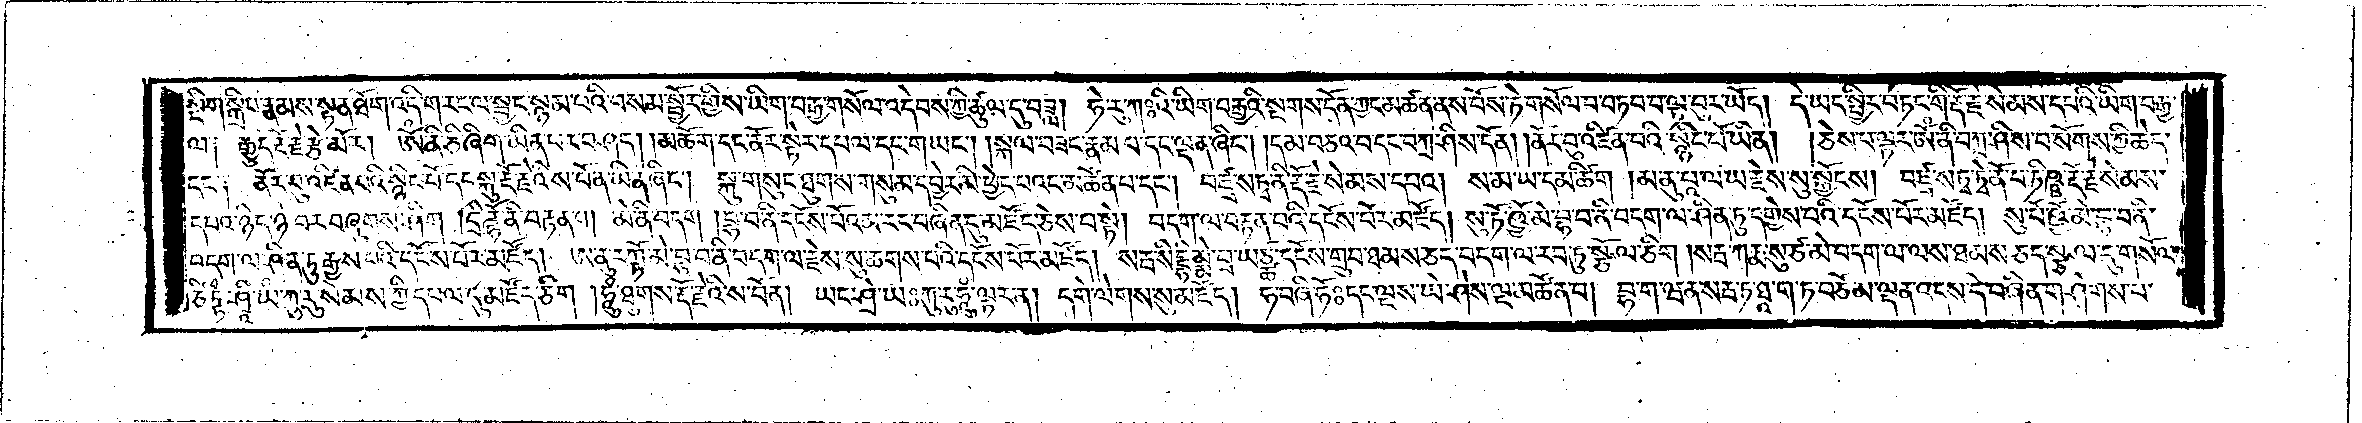སྡིག་སྒྲིབ་རྣམས་སྟན་ཐོག་འདི་ག་རང་ལ་སྦྱང་སྙམ་པའི་བསམ་སྦྱོར་གྱིས་ཡིག་བརྒྱ་གསོལ་འདེབས་ཀྱི་ཚུལ་དུ་བཟླ། ཧེ་རུ་ཀཿའི་ཡིག་བརྒྱའི་སྔགས་དོན་ཀྱང་མཚན་ནས་བོས་ཏེ་གསོལ་བ་བཏབ་བ་ལྟ་བུར་ཡོད། དེ་ཡང་སྤྱིར་བཏང་གི་རྡོ་རྗེ་སེམས་དཔའི་ཡིག་བརྒྱ་
ལ༑ རྒྱུད་རྡོ་རྗེ་རྩེ་མོར། ཨོཾ་ནི་ཅི་ཞིག་ཡིན་པར་བཤད། །མཆོག་དང་ནོར་སྟེར་དཔལ་དང་གཡང་། །སྐལ་བཟང་རྣམ་པ་དང་ལྡན་ཞིང་། །དམ་བཅའ་བ་དང་བཀྲ་ཤིས་དོན། །ནོར་བུ་འཛིན་པའི་སྙིང་པོ་ཡིན། །ཅེས་པ་ལྟར་ཨོཾ་ནི་བཀྲ་ཤིས་པ་སོགས་ཀྱི་ཆེད་
དང༑ ནོར་བུ་འཛིན་པའི་སྙིང་པོ་དང་སྐུ་རྡོ་རྗེའི་ས་བོན་ཡིན་ཞིང་། སྐུ་གསུང་ཐུགས་གསུམ་དབྱེར་མི་ཕྱེད་བའང་མཚོན་པ་དང་། བཛྲ་སཏྭ་ནི་རྡོ་རྗེ་སེམས་དཔའ། ས་མ་ཡ་དམ་ཚིག །མ་ནུ་པ་ལ་ཡ་རྗེས་སུ་སྐྱོངས། བཛྲ་སཏྭ་ཏྭེ་ནོ་པ་ཏིཥཊཿཨ་རྡོ་རྗེ་སེམས་
དཔའ་ཉིང་ཉེ་བར་བཞུགས་ཤིག །དྲྀ་ཌྷོ་ནི་བརྟན་པ། མེ་ནི་བདག །བྷ་བ་ནི་དངོས་པོའམ་རང་བཞིན་དུ་མཛོད་ཅེས་པ་སྟེ། བདག་ལ་བརྟན་པའི་དངོས་པོར་མཛོད། སུ་ཏོ་ཥྱོ་མེ་བྷ་བ་ནི་བདག་ལ་ཤིན་ཏུ་དགྱེས་པའི་དངོས་པོར་མཛོད། སུ་པོ་ཥྱོ་མེ་བྷ་བ་ནི་
བདག་ལ་ཤིན་ཏུ་རྒྱས་བའི་དངོས་བོར་མཛོད། ཨ་ནུ་རཀྟོ་མེ་བྷ་བ་ནི་བདག་ལ་རྗེས་སུ་ཆགས་པའི་དངོས་པོར་མཛོད། སརྦ་སིདྡྷི་མྨེ་བྲ་ཡཙྪ་དངོས་གྲུབ་ཐམས་ཅད་བདག་ལ་རབ་ཏུ་སྩོལ་ཅིག །སརྦ་ཀརྨ་སུ་ཙ་མེ་བདག་ལ་ལས་ཐམས་ཅད་སྩལ་དུ་གསོལ།
ཙིཏྟཾ་ཤྲཱི་ཡཾ་ཀུ་རུ་སེམས་ཀྱི་དཔལ་དུ་མཛོད་ཅིག །ཧཱུཾ་ཐུགས་རྡོ་རྗེའི་ས་བོན། ཡང་ཤྲེ་ཡཿ ཀུ་རུ་ཧཱུཾ་ལྟར་ན། དགེ་ལེགས་སུ་མཛོད། ཧ་བཞི་ཧོཿ དང་ལྔས་ཡེ་ཤེས་ལྔ་མཚོན་བ། བྷ་ག་ཝ་ན་སརྦ་ཏ་ཐཱ་ག་ཏ་བཅོམ་ལྡན་འདས་དེ་བཞིན་གཤེགས་པ་